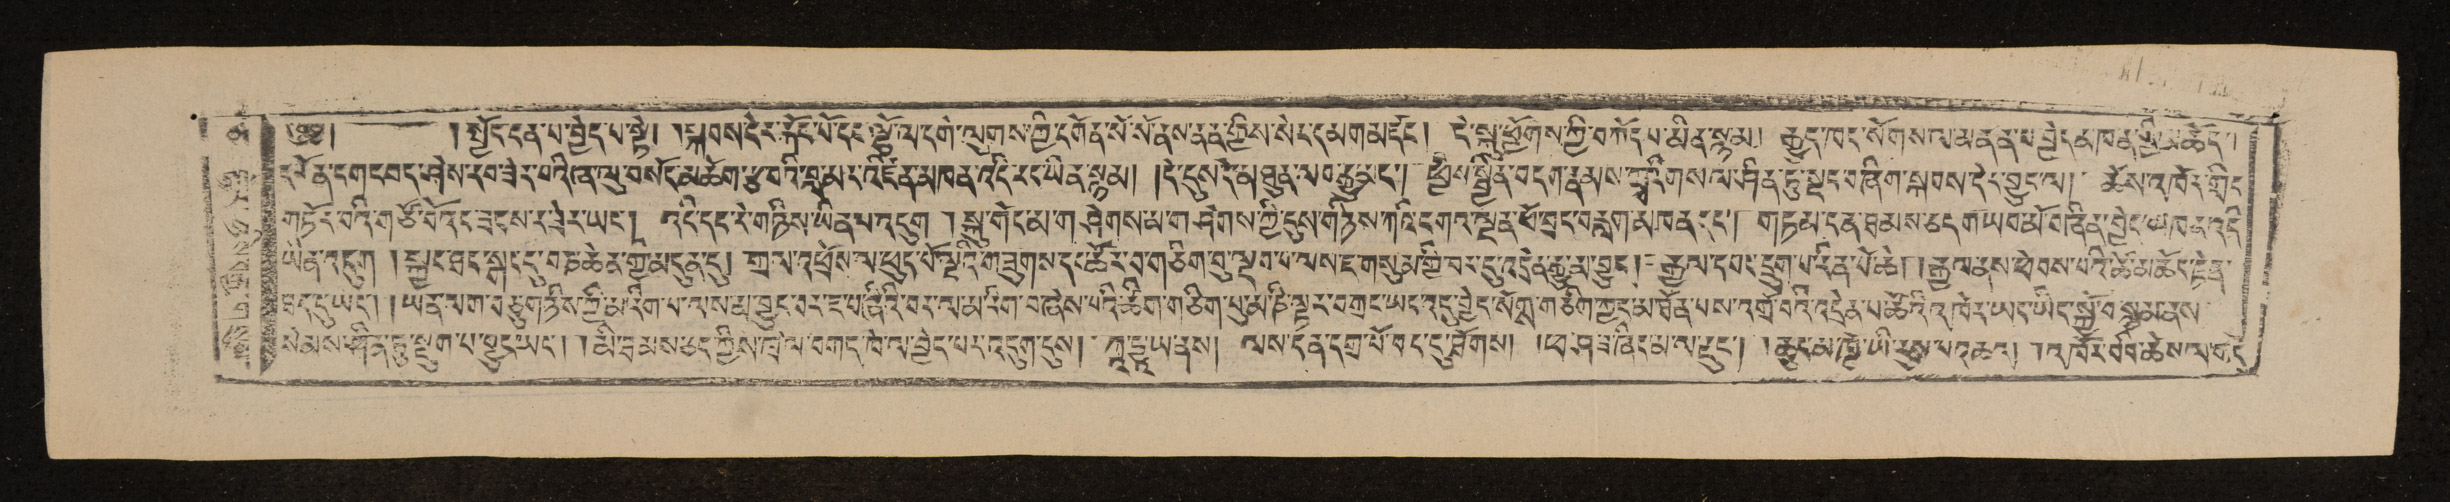༄༅། །སྤྱོད་ངན་པ་བྱེད་པ་སྟེ། སྐབས་དེར་རྐོང་པོ་དང་ལྷོ་ལ་དགེ་ལུགས་ཀྱི་དགོན་སོ་སོ་ནས་ནན་གྱིས་སེར་དམག་མཛད། དེ་སྐུ་ཕྱོགས་ཀྱི་བཀོད་པ་མིན་སྙམ། རྒྱུད་ཁང་སོགས་ལ་མནན་པ་བྱེད་མཁན་གྱི་མཆོད་
དཔོན་ངག་དབང་ཤེས་རབ་ཟེར་པའི་ཞྭ་ལུ་བསོད་མཆོག་རྩ་བའི་བླ་མར་འཛིན་མཁན་འདི་རང་ཡིན་སྙམ། དེ་དུས་དེ་མཐུན་ལབ་རྒྱུ་མང་། ཕྱིས་སྦྱིན་བདག་རྣམས་གྲྭ་རིགས་ལ་ཤིན་ཏུ་སྡང་བ་ཞིག་སྐབས་དེར་བྱུང་ལ། ཆོས་འཁོར་གླིང་
གཏོར་བའི་གཙོ་བོའང་ཟངས་ར་ཟེར་ཡང་། འདི་དང་རེ་གཉིས་ཡིན་པ་འདུག །སྐུ་གོང་མ་གཤེགས་མ་གཤེགས་ཀྱི་དུས་གཉིས་ཀའི་དགའ་ལྡན་ཕོ་བྲང་བརླག་མཁན་དང་། གཏམ་ངན་ཐམས་ཅད་གཡབ་མོ་བཞིན་བྱེད་མཁན་འདི་
ཡིན་འདུག །སྐྱང་ཐང་སྒང་དུ་པཎ་ཆེན་གྱི་མདུན་དུ། གྲལ་འཕྲོས་ལ་ཕུང་པོ་ལྔའི་གཟུགས་དང་ཚོར་བ་གཅིག་པུ་ལྡབ་པ་ལས་ཇ་གསུམ་གྱི་བར་དུ་འདྲེན་རྒྱུ་མ་བྱུང་། རྒྱལ་དབང་དྲུག་པ་རིན་པོ་ཆེ། རྒྱལ་ནས་ཕེབས་པའི་ཚེ་མཆོད་རྟེན་
ཐང་དུ་ཡང་། ཡན་ལག་བཅུ་གཉིས་ཀྱི་མ་རིག་པ་ལས་མ་བྱུང་བར་ཇ་བཞིའི་བར་ལམ་རིག་པ་ཞེས་པའི་ཚིག་གཅིག་པུ་མ་ཎི་ལྟར་བགྲང་ཡང་འདུ་བྱེད་སོགས་གཅིག་ཀྱང་མ་ཐོན་པས་འགྲོ་བའི་འདྲེན་པ་ཚོའི་འཁོར་ཡང་ཡིད་སྐྱོ་བ་སྙམ་ནས་
སེམས་ཤིན་ཏུ་སྡུག་པ་བྱུང་ཡང་། མི་ཐམས་ཅད་ཀྱིས་ཁྲེལ་བགད་ཁོ་ལ་བྱེད་པར་འདུག་དུས། ཀཱ་ཏྱཱ་ཡ་ནས། ལས་ངན་དགྲ་བོ་བང་དུ་ཐོགས། །ཕ་ཤ་ཟ་ཞིང་མ་ལ་རྡུང་། །ཆུང་མ་ཁྱོ་ཡི་རུས་པ་འཆའ། །འཁོར་བའི་ཆོས་ལ་གང་